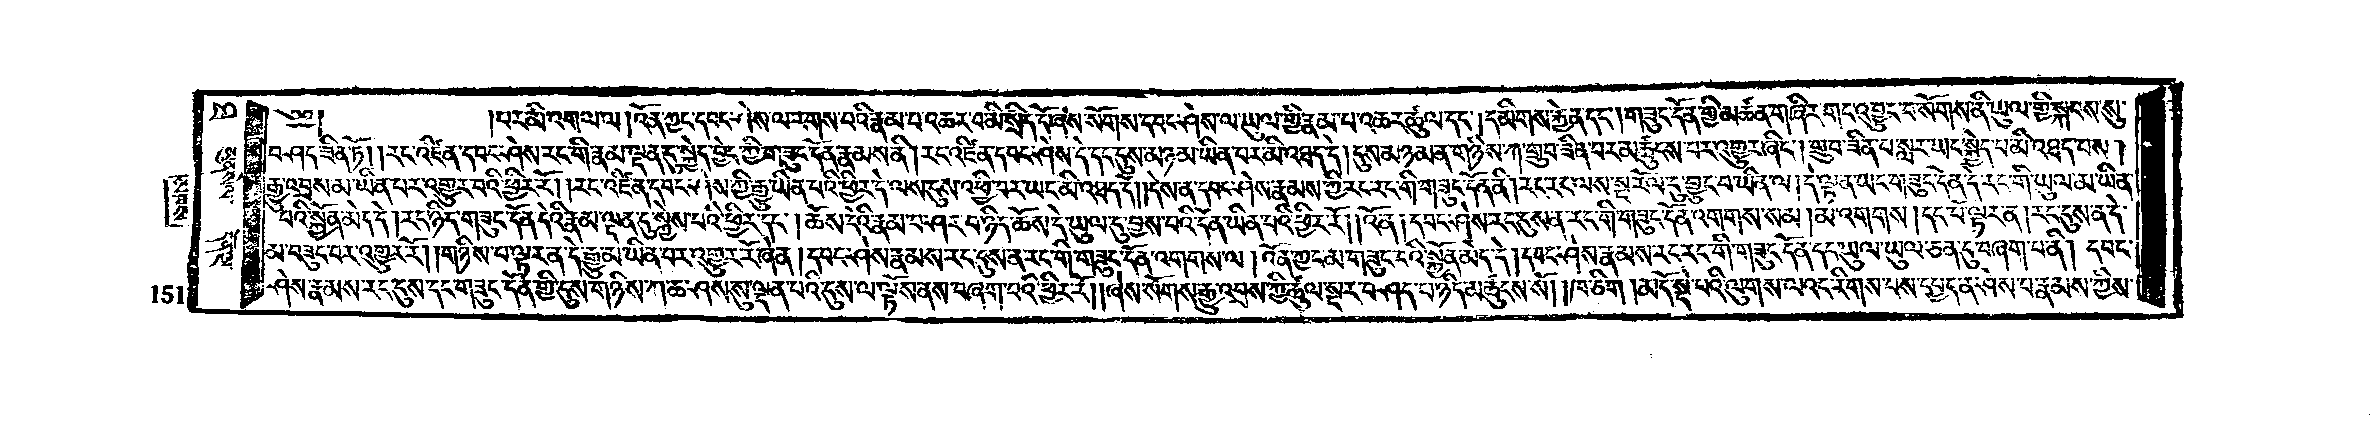༄༅། །པར་མི་འགལ་ལ། འོན་ཀྱང་དབང་ཤེས་ལ་རགས་པའི་རྣམ་པ་འཆར་བ་མི་སྲིད་དོ་ཞེས་སོགས་དབང་ཤེས་ལ་ཡུལ་གྱི་རྣམ་པ་འཆར་ཚུལ་དང་། དམིགས་རྐྱེན་དང་། གཟུང་དོན་གྱི་མཚན་གཞིར་གང་འབྱུང་བ་སོགས་ནི་ཡུལ་གྱི་སྐབས་སུ་
བཤད་ཟིན་ཏོ། །རང་འཛིན་དབང་ཤེས་རང་གི་རྣམ་ལྡན་དུ་སྐྱེད་བྱེད་ཀྱི་གཟུང་དོན་རྣམས་ནི། རང་འཛིན་དབང་ཤེས་དེ་དང་དུས་མཉམ་ཡིན་པར་མི་འཐད་དེ། དུས་མཉམ་ན་གཉིས་ཀ་གྲུབ་ཟིན་པར་མཚུངས་པར་འགྱུར་ཞིང་། གྲུབ་ཟིན་པ་སླར་ཡང་སྐྱེད་པ་མི་འཐད་པས།
རྒྱུ་འབྲས་མ་ཡིན་པར་འགྱུར་བའི་ཕྱིར་རོ། །རང་འཛིན་དབང་ཤེས་ཀྱི་རྒྱུ་ཡིན་པའི་ཕྱིར་དེ་ལས་དུས་འཕྱི་བར་ཡང་མི་འཐད་དོ། །དེས་ན་དབང་ཤེས་རྣམས་ཀྱི་རང་རང་གི་གཟུང་དོན་ནི། རང་རང་ལས་སྔ་རོལ་དུ་བྱུང་བ་ཡིན་ལ། དེ་ལྟ་ན་ཡང་གཟུང་དོན་དེ་རང་གི་ཡུལ་མ་ཡིན་
པའི་སྐྱོན་མེད་དེ། རང་ཉིད་གཟུང་དོན་དེའི་རྣམ་ལྡན་དུ་སྐྱེས་པའི་ཕྱིར་དང་། ཆོས་དེའི་རྣམ་པ་ཤར་བ་ཉིད་ཆོས་དེ་ཡུལ་དུ་བྱས་པའི་དོན་ཡིན་པའི་ཕྱིར་རོ། །འོ་ན། དབང་ཤེས་རང་དུས་ན་རང་གི་གཟུང་དོན་འགགས་སམ། མ་འགགས། དང་པོ་ལྟར་ན། རང་དུས་ན་དེ་
མ་བཟུང་བར་འགྱུར་རོ། །གཉིས་པ་ལྟར་ན་དེ་རྒྱུ་མ་ཡིན་པར་འགྱུར་རོ་ཞེ་ན། དབང་ཤེས་རྣམས་རང་དུས་ན་རང་གི་གཟུང་དོན་འགགས་ལ། འོན་ཀྱང་མ་གཟུང་བའི་སྐྱོན་མེད་དེ། དབང་ཤེས་རྣམས་རང་རང་གི་གཟུང་དོན་དང་ཡུལ་ཡུལ་ཅན་དུ་བཞག་པ་ནི། དབང་
ཤེས་རྣམས་རང་དུས་དང་གཟུང་དོན་གྱི་དུས་གཉིས་ཀ་ཆ་ཤས་སུ་ལྡན་པའི་དུས་ལ་ལྟོས་ནས་བཞག་པའི་ཕྱིར་རོ། །ཞེས་སོགས་རྒྱུ་འབྲས་ཀྱི་ཚུལ་སྔར་བཤད་པ་ཉིད་མཚུངས་སོ། །ཁ་ཅིག །མདོ་སྡེ་པའི་ལུགས་ལའང་རིགས་པས་དཔྱད་ན་ཤེས་པ་རྣམས་ཀྱིས་